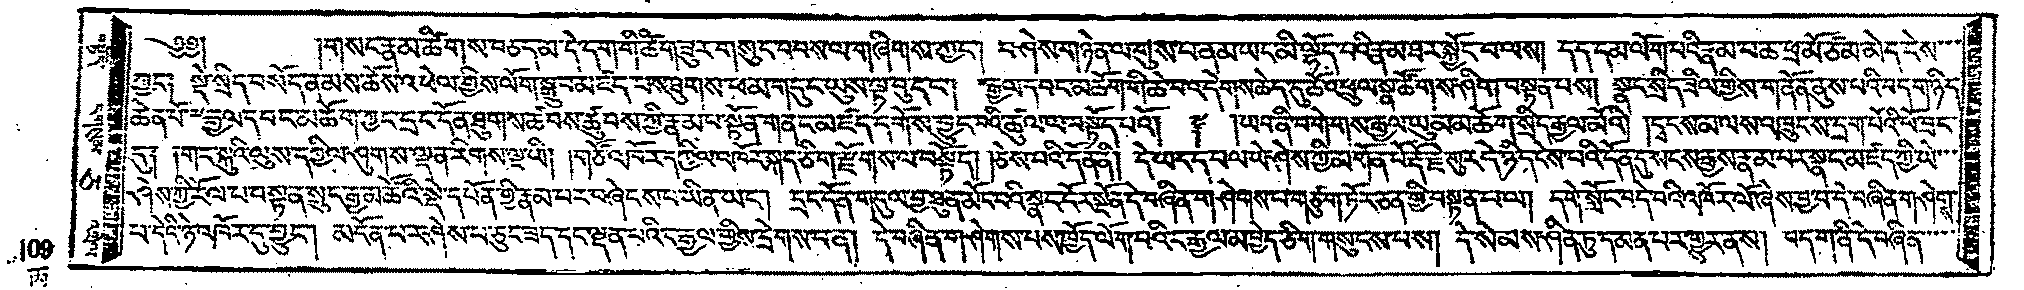༄༅། །གསང་རྣམ་ཚིགས་བཅད་མ་དེ་དག་གི་ཚིག་ཟུར་གསུང་བབས་ལ་གཞིགས་ཀྱང་། བཤེས་གཉེན་ལ་གུས་པ་ནམ་ཡང་མི་ལྷོད་པའི་རྣམ་ཐར་སྐྱོང་བ་ལས། དད་དམ་ལོག་པའི་རྣམ་པ་ཆ་ཕྲ་མོ་ཙམ་མེད་ངེས་
ཀྱང་། སྡེ་སྲིད་བསོད་ནམས་ཆོས་འཕེལ་གྱིས་ལོག་སྒྲུབ་མཛད་པས་ཐུགས་ཕམ་གདུང་གྱུས་ལྟ་བུ་དང་། ༧རྒྱལ་དབང་མཆོག་གི་ཆེ་བ་འདེགས་ཆེད་དུ་ཆོ་འཕྲུལ་སྣ་ཚོགས་ཤིག་བསྟན་པས། སྣང་སྲིད་ཟིལ་གྱིས་གནོན་ནུས་པའི་བདག་ཉིད་
ཆེན་པོ་༧རྒྱལ་དབང་མཆོག་ཀྱང་དྲང་དོན་ཐུགས་ཚབས་ཚུབས་ཀྱི་རྣམ་པ་སྟོན་གནང་མཛད་དགོས་བྱུང་བའི་ཚུལ་ལ་བསྟོད་པའོ། ༈ །ཡབ་ནི་བགེགས་རྒྱལ་ཡུམ་མཆོག་སྲིད་རྒྱལ་མོའི། །དྭངས་མ་ལས་འཁྲུངས་དྲག་པོའི་ཕོ་བྲང་
དུ༑ ༑གང་སྐུའི་ལུས་དཀྱིལ་ཤུགས་ལྡན་རིགས་ལྔ་ཡི། །གཙོ་འཁོར་དཀྱིལ་འཁོར་སྐད་ཅིག་རྫོགས་ལ་བསྟོད། །ཅེས་པའི་དོན་ནི། དེ་ཡང་དཔལ་ཡེ་ཤེས་ཀྱི་མགོན་པོ་རྡོ་རྗེ་གུར་དེ་ཉིད་ངེས་པའི་དོན་དུ་སངས་རྒྱས་རྣམ་པར་སྣང་མཛད་ཀྱི་ཡེ་
ཤེས་ཀྱི་རོལ་པ་བསྟན་སྲུང་རྒྱ་མཚོའི་སྡེ་དཔོན་གྱི་རྣམ་བཞེངས་པ་ཡིན་ཡང་། དྲང་དོན་གདུལ་བྱ་ཐུན་མོང་བའི་སྣང་ངོར་སྔོན་དེ་བཞིན་གཤེགས་པ་གཙུག་ཏོར་ཅན་གྱི་བསྟན་པ་ལ། དགེ་སློང་བདེ་བའི་འཁོར་ལོ་ཞེས་བྱ་བ་དེ་བཞིན་གཤེགས་
པ་དེའི་ཉེ་འཁོར་དུ་བྱུང་། མངོན་པར་ཤེས་པ་ཅུང་ཟད་དང་ལྡན་པའི་ང་རྒྱལ་གྱིས་དྲེགས་པ་ན། དེ་བཞིན་གཤེགས་པས་ཁྱོད་ལོག་པའི་ང་རྒྱལ་མ་བྱེད་ཅིག་གསུངས་པས། དེ་སེམས་ཤིན་ཏུ་དམན་པར་གྱུར་ནས། བདག་ནི་དེ་བཞིན་